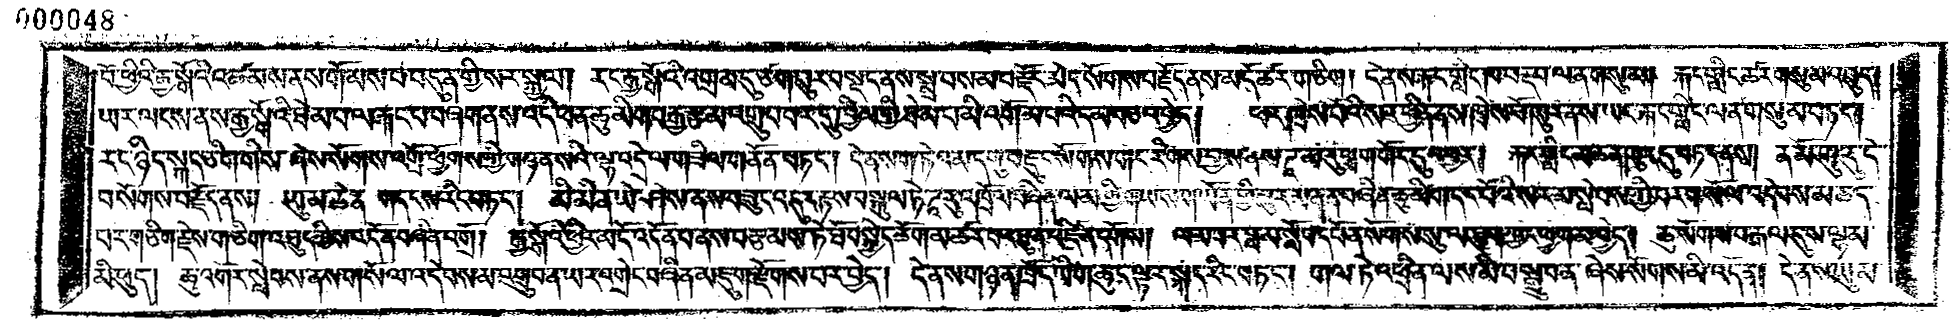བོ་ཕྱིའི་རྒྱ་སྒོའི་འཚམས་ནས་གོམས་པ་བདུན་གྱི་སར་སྐྱལ། རང་རྒྱ་སྒོའི་འགྲམ་དུ་ཙག་བུར་བསྡང་ནས་སྨྲ་བསམ་བརྗོད་མེད་སོགས་བརྗོད་ནས་མདོ་ཚར་གཅིག །དེ་ནས་རྐང་གླིང་ཁ་བརྡབ་ལན་གསུམ། རྐང་གླིང་ཚར་གསུམ་འབུད།
ཡར་ལངས་ནས་རྒྱ་སྒོའི་ཐེམ་པ་ལ་རྐང་པ་བཞག་ནས་འདི་ཕན་ཆུ་མིག་བརྒྱ་རྩམ་འགྲུབ་བར་དུ་ཁྱིམ་གྱི་ཐེམ་པ་མི་འགོམ་པའི་དམ་བཅའ་བྱེད། ཕར་ཁྲེས་བོའི་སར་ཕྱིན་ནས་ཁྲེས་པོ་ཁུར་ནས་ཡང་རྐང་གླིང་ལན་གསུམ་བཏང་།
རང་ཉིད་སྐད་ཅིག་གིས་ཞེས་སོགས་འགྲོ་ཕྱོགས་ཀྱི་གཉན་སའི་ལྷ་འདྲེ་ལ་གཟིལ་གནོན་བཏང་། དེ་ནས་ག་ཏེ་འམ་དགུ་བརྡུང་སོགས་གང་རིགས་བྱས་ནས་ཌཱ་མ་རུ་ཕྲག་གོང་དུ་འཕྱར། རྐང་གླིང་མཆན་ཁུང་དུ་བཏད་ནས། ན་མོ་གུ་རུ་དེ་
བ་སོགས་བརྗོད་ནས། ཡུམ་ཆེན་གདངས་རིང་བཏང་། མི་མིན་ཡེ་ཤེས་ནས་བཟུང་འདུར་རྟས་བསྐུལ་ཏེ་ཌཱ་རུ་འཁྲོལ་བཞིན་ལམ་གྱི་གཡས་གཡོན་གྱི་ཟུར་མནན་བཞིན་ཆུ་མིག་དང་པོའི་སར་མ་སླེབས་ཀྱི་བར་གསོལ་འདེབས་མ་ཆད་
པར་གཅིག་རྗེས་གཅིག་འཐུད་ཀྱིས་འདོན་བཞིན་འགྲོ། རྒྱ་སྒོའི་ཕྱིར་མདོ་འདོན་པ་ནས་བརྩམས་ཏེ་ཐོ་བསྐྱེད་ཆོག་མཚར་བར་ཐུན་འཛིན་དགོས། ལམ་བར་བླ་མ་སློབ་དཔོན་སོགས་སུ་ལ་ཐུག་ཀྱང་ཕྱག་མ་བྱེད། ཆུ་སོགས་བརྒལ་དུས་ལྷམ་
མི་ཕུད། ཆུ་འགོར་སླེབས་ནས་གསོལ་འདེབས་མ་འགྲུབ་ན་ཡར་འགྲེང་བཞིན་མཇུག་རྫོགས་པར་བྱེད། དེ་ནས་གཉན་ཁྲོད་ཡིག་ཆུང་ལྟར་སྐད་རིང་བཏང་། གལ་ཏེ་འཕྲིན་ལས་མི་བསྒྲུབ་ན་ཞེས་སོགས་མི་འདོན། དེ་ནས་ཡུམ་